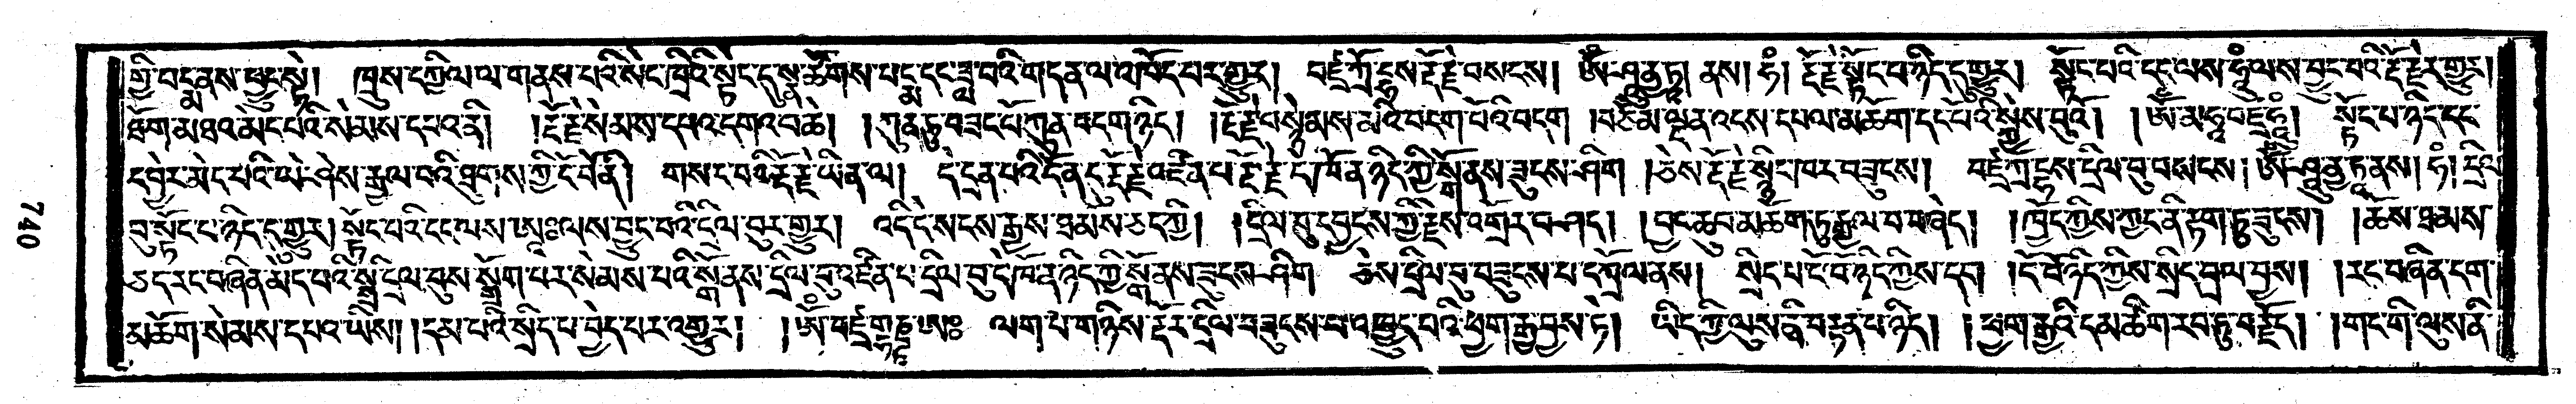གྱི་པདམ་ནས་ཕྱུང་སྟེ། ཁྲུས་དཀྱིལ་ལ་གནས་པའི་སེང་ཁྲིའི་སྟེང་དུ་སྣ་ཚོགས་པདམ་དང་ཟླ་བའི་གདན་ལ་འཁོད་པར་གྱུར། བཛྲ་ཀྲོ་དྷས་རྡོ་རྗེ་བསངས། ཨོཾ་ཤཱུ་ནྱ་ཏཱ། ནས། ཧཾ། རྡོ་རྗེ་སྟོང་པ་ཉིད་དུ་གྱུར། སྟོང་པའི་དང་ལས་ཧཱུཾ་ལས་བྱུང་བའི་རྡོ་རྗེར་གྱུར།
ཐོག་མཐའ་མོང་པའི་སེམས་དཔའ་ནི། །རྡོ་རྗེ་སེམས་དཔའ་དགའ་བ་ཆེ། །ཀུན་ཏུ་བཟང་པོ་ཀུན་བདག་ཉིད། །རྡོ་རྗེ་བསྙེམས་མའི་བདག་པོའི་བདག །བཅོམ་ལྡན་འདས་དཔལ་མཆོག་དང་པོའི་སྐྱེས་བུའོ། །ཨོཾ་མཧཱ་བཛྲ་ཧཱུཾ། སྟོང་པ་ཉིད་དང་
དབྱེར་མེད་པའི་ཡེ་ཤེས་རྒྱལ་བའི་ཐུགས་ཀྱི་ངོ་བོ་ནི། གསང་བའི་རྡོ་རྗེ་ཡིན་ལ། དེ་དྲན་པའི་དོན་དུ་རྡོ་རྗེ་དུ་རྡོ་རྗེ་འཛིན་པ་རྡོ་རྗེ་ད་ཁོ་ན་ཉིད་ཀྱི་སྒོ་ནས་ཟུངས་ཤིག །ཅེས་རྡོ་རྗེ་སྙིང་ཁར་བཟུངས། བཛྲ་ཀྲ་དྷས་དྲིལ་བུ་བསངས། ཨོཾ་ཤཱུ་ནྱ་ཏཱ་ནས། ཧཾ། དྲིལ་
བུ་སྟོང་པ་ཉིད་དུ་གྱུར། སྟོང་པའི་ངང་ལས་ཨཱཿ ལས་བྱུང་བའི་དྲིལ་བུར་གྱུར། འདི་དེ་སངས་རྒྱས་ཐམས་ཅད་ཀྱི། །དྲིལ་བུ་དབྱངས་ཀྱི་རྗེས་འགྲོར་བཤད། །བྱང་ཆུབ་མཆོག་ཏུ་རྒྱལ་བ་བཞེད། །ཁྱོད་ཀྱིས་ཀྱང་ནི་རྟག་ཏུ་ཟུངས། །ཆོས་ཐམས་
ཅད་རང་བཞིན་མེད་པའི་སྒྲ་དྲིལ་བུས་སྒྲོག་པར་སེམས་པའི་སྒོ་ནས་དྲིལ་བུ་འཛིན་པ་དྲིལ་བུ་དེ་ཁོ་ན་ཉིད་ཀྱི་སྒོ་ནས་ཟུངས་ཤིག་ཅེས་དྲིལ་བུ་བཟུངས་པ་དཀྲོལ་ནས། སྲིད་པ་ངོ་བོ་ཉིད་ཀྱིས་དང་། །ངོ་བོ་ཉིད་ཀྱིས་སྲིད་བྲལ་བྱས། །རང་བཞིན་དག་
མཆོག་སེམས་དཔའ་ཡིས། །དམ་པའི་སྲིད་པ་བྱེད་པར་འགྱུར། །ཨོཾ་བཛྲ་གྷཎྜཱ་ཨཿ ལག་པ་གཉིས་རྡོར་དྲིལ་བཟུངས་བ་འཁྱུད་པའི་ཕྱག་རྒྱ་བྱས་ཏེ། ཡིད་ཀྱི་ལུས་ནི་བརྟན་པ་ཉིད། །ཕྱག་རྒྱའི་དམ་ཚིག་རབ་ཏུ་བརྗོད། །གང་གི་ལུས་ནི།